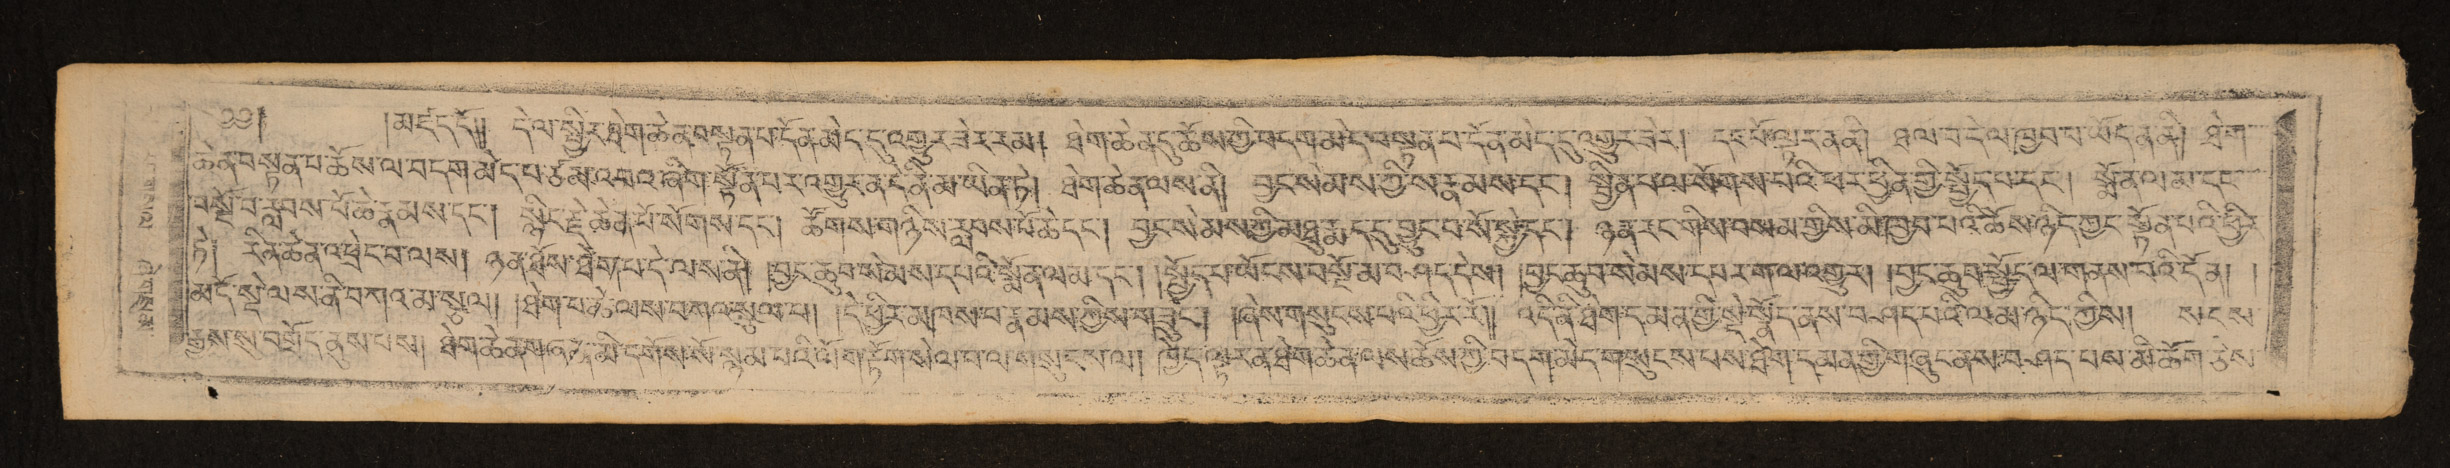༄༅། །མཛད་དོ།། དེ་ལ་སྤྱིར་ཐེག་ཆེན་བསྟན་པ་དོན་མེད་དུ་འགྱུར་ཟེར་རམ། ཐེག་ཆེན་དུ་ཆོས་ཀྱི་བདག་མེད་བསྟན་པ་དོན་མེད་དུ་འགྱུར་ཟེར། དང་པོ་ལྟར་ན་ནི། ཐལ་བ་དེ་ལ་ཁྱབ་པ་ཡོད་ན་ནི། ཐེག་
ཆེན་བསྟན་པ་ཆོས་ལ་བདག་མེད་པ་ཙམ་འབའ་ཞིག་སྟོན་པར་འགྱུར་ན་དེ་ནི་མ་ཡིན་ཏེ། ཐེག་ཆེན་ལས་ནི། བྱང་སེམས་ཀྱི་ས་རྣམས་དང་། སྦྱིན་པ་ལ་སོགས་པའི་ཕར་ཕྱིན་གྱི་སྤྱོད་པ་དང་། སྨོན་ལམ་དང་
བསྔོ་བ་རླབས་པོ་ཆེ་རྣམས་དང་། སྙིང་རྗེ་ཆེན་པོ་སོགས་དང་། ཚོགས་གཉིས་རླབས་པོ་ཆེ་དང་། བྱང་སེམས་ཀྱི་མཐུ་རྨད་དུ་བྱུང་བ་སོ་སྐྱེ་དང་། ཉན་རང་གིས་བསམ་གྱིས་མི་ཁྱབ་པའི་ཆོས་ཉིད་ཀྱང་སྟོན་པའི་ཕྱིར་
ཏེ༑ རིན་ཆེན་འཕྲེང་བ་ལས། ཉན་ཐོས་ཐེག་པ་དེ་ལས་ནི། །བྱང་ཆུབ་སེམས་དཔའི་སྨོན་ལམ་དང་། །སྤྱོད་པ་ཡོངས་བསྔོ་མ་བཤད་དེས། །བྱང་ཆུབ་སེམས་དཔར་ག་ལ་འགྱུར། །བྱང་ཆུབ་སྤྱོད་ལ་གནས་པའི་དོན།།
མདོ་སྡེ་ལས་ནི་བཀའ་མ་སྩལ། །ཐེག་པ་ཆེ་ལས་བཀའ་སྩལ་པ། །དེ་ཕྱིར་མཁས་པ་རྣམས་ཀྱིས་གཟུང་། །ཞེས་གསུངས་པའི་ཕྱིར་རོ།། འདི་ནི་ཐེག་དམན་གྱི་སྡེ་སྣོད་ནས་བཤད་པའི་ལམ་ཉིད་ཀྱིས། སངས་
རྒྱས་སུ་བགྲོད་ནུས་པས། ཐེག་ཆེན་གཞན་མི་དགོས་སོ་སྙམ་པའི་ལོག་རྟོག་སེལ་བ་ལ་གསུངས་ལ། ཁྱེད་ལྟར་ན་ཐེག་ཆེན་ལས་ཆོས་ཀྱི་བདག་མེད་གསུངས་པས་ཐེག་དམན་གྱི་གཞུང་ནས་བཤད་པས་མི་ཆོག་ཅེས་